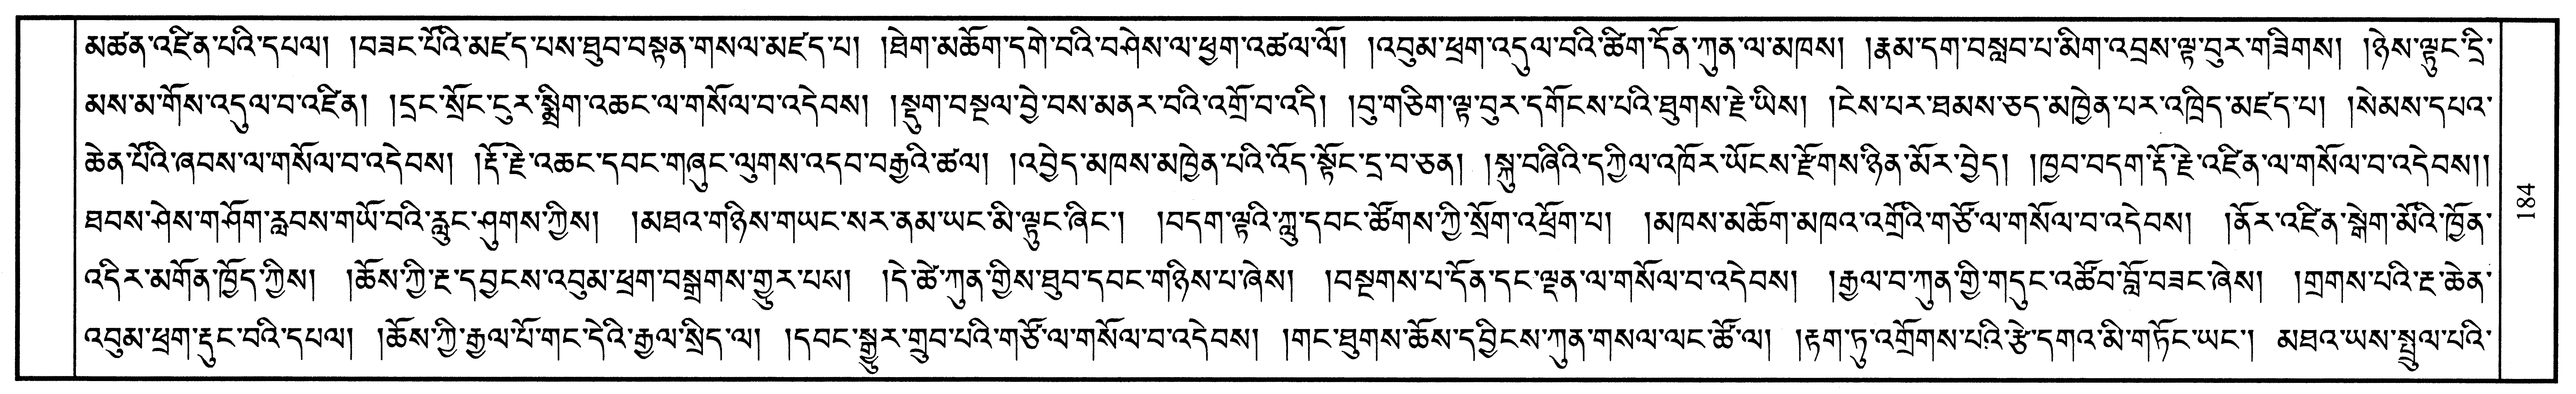མཚན་འཛིན་པའི་དཔལ། །བཟང་པོའི་མཛད་པས་ཐུབ་བསྟན་གསལ་མཛད་པ། །ཐེག་མཆོག་དགེ་བའི་བཤེས་ལ་ཕྱག་འཚལ་ལོ། །འབུམ་ཕྲག་འདུལ་བའི་ཚིག་དོན་ཀུན་ལ་མཁས། །རྣམ་དག་བསླབ་པ་མིག་འབྲས་ལྟ་བུར་གཟིགས། །ཉེས་ལྟུང་དྲི་
མས་མ་གོས་འདུལ་བ་འཛིན། །དྲང་སྲོང་ངུར་སྨྲིག་འཆང་ལ་གསོལ་བ་འདེབས། །སྡུག་བསྔལ་བྱེ་བས་མནར་བའི་འགྲོ་བ་འདི། །བུ་གཅིག་ལྟ་བུར་དགོངས་པའི་ཐུགས་རྗེ་ཡིས། །ངེས་པར་ཐམས་ཅད་མཁྱེན་པར་འཁྲིད་མཛད་པ། །སེམས་དཔའ་
ཆེན་པོའི་ཞབས་ལ་གསོལ་བ་འདེབས། །རྡོ་རྗེ་འཆང་དབང་གཞུང་ལུགས་འདབ་བརྒྱའི་ཚལ། །འབྱེད་མཁས་མཁྱེན་པའི་འོད་སྟོང་དྲ་བ་ཅན། །སྐུ་བཞིའི་དཀྱིལ་འཁོར་ཡོངས་རྫོགས་ཉིན་མོར་བྱེད། །ཁྱབ་བདག་རྡོ་རྗེ་འཛིན་ལ་གསོལ་བ་འདེབས།།
ཐབས་ཤེས་གཤོག་རླབས་གཡོ་བའི་རླུང་ཤུགས་ཀྱིས། །མཐའ་གཉིས་གཡང་སར་ནམ་ཡང་མི་ལྟུང་ཞིང་། །བདག་ལྟའི་ཀླུ་དབང་ཚོགས་ཀྱི་སྲོག་འཕྲོག་པ། །མཁས་མཆོག་མཁའ་འགྲོའི་གཙོ་ལ་གསོལ་བ་འདེབས། །ནོར་འཛིན་སྒེག་མོའི་ཁྱོན་
འདིར་མགོན་ཁྱོད་ཀྱིས། །ཆོས་ཀྱི་རྔ་དབྱངས་འབུམ་ཕྲག་བསྒྲགས་གྱུར་པས། །དེ་ཚེ་ཀུན་གྱིས་ཐུབ་དབང་གཉིས་པ་ཞེས། །བསྔགས་པ་དོན་དང་ལྡན་ལ་གསོལ་བ་འདེབས། །རྒྱལ་བ་ཀུན་གྱི་གདུང་འཚོབ་བློ་བཟང་ཞེས། །གྲགས་པའི་རྔ་ཆེན་
འབུམ་ཕྲག་རྡུང་བའི་དཔལ། །ཆོས་ཀྱི་རྒྱལ་པོ་གང་དེའི་རྒྱལ་སྲིད་ལ། །དབང་སྒྱུར་གྲུབ་པའི་གཙོ་ལ་གསོལ་བ་འདེབས། །གང་ཐུགས་ཆོས་དབྱིངས་ཀུན་གསལ་ལང་ཚོ་ལ། །རྟག་ཏུ་འགྲོགས་པའི་རྩེ་དགའ་མི་གཏོང་ཡང་། མཐའ་ཡས་སྤྲུལ་པའི་